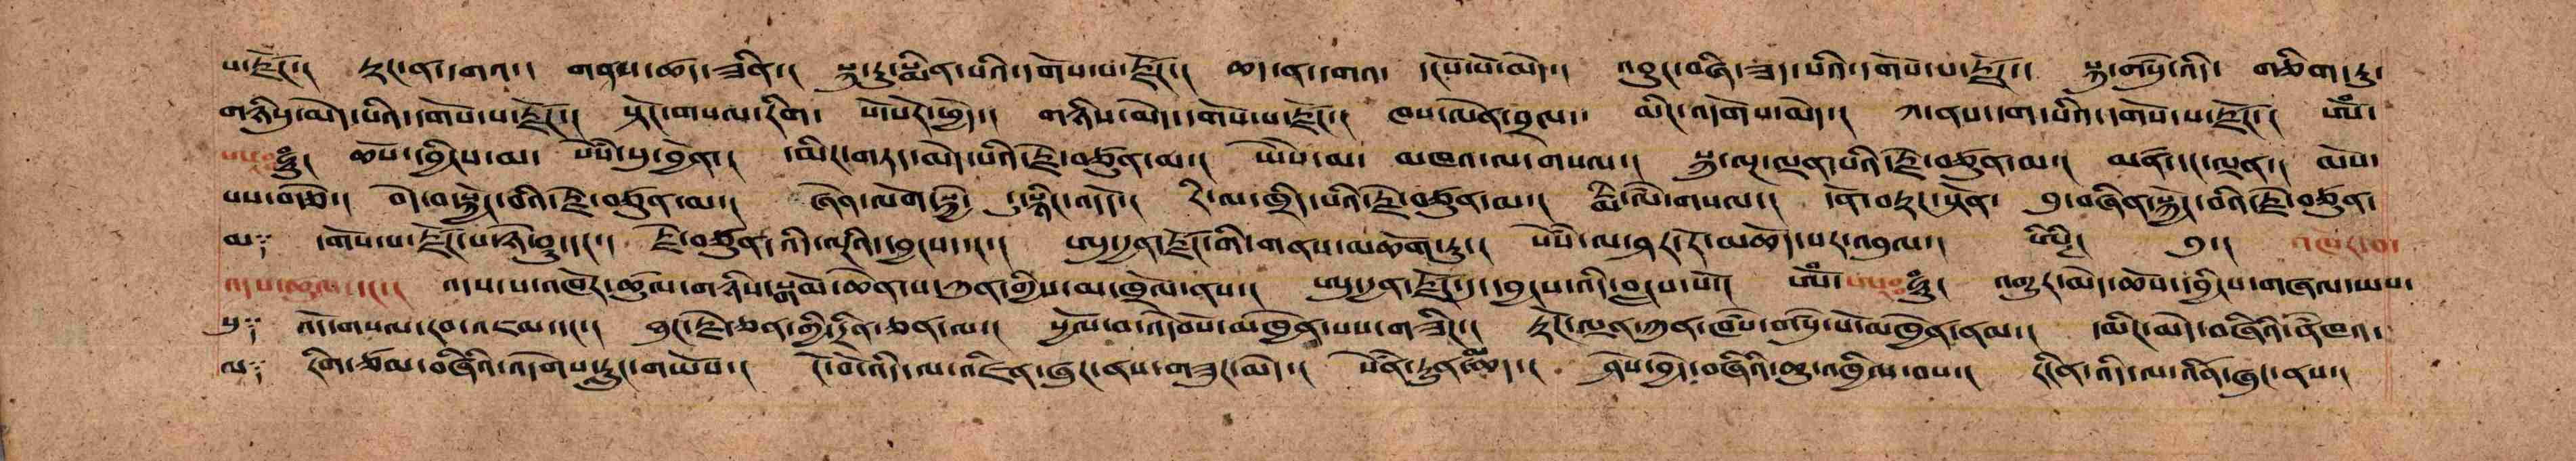པ་རྫོགས། རྟགས་ན་དགའ། གནས་ཚད་ཟིན། སྐུ་རུ་སྨིན་པའི་དགོས་པ་རྫོགས། ཆད་ན་དགའ། དངོས་པོ་མེད། འབྱུང་བཞི་ཟད་པའི་དགོས་པ་རྫོགས། སྐུ་གསུམ་འདི། གཅིག་ཏུ་ག
ཉིས་སུ་མེད་པའི་དགོས་པ་རྫོགས། སྟོང་གསལ་རིག སོ་སོར་ཕྱེད། གཉིས་མེད་དགོས་པ་རྫོགས་། ཁས་ལེན་བྲལ། མིང་འདོགས་མེད། ཀ་ནས་དག་པའི་དགོས་པ་རྫོགས། ཨོྃ་
ཨཿཧཱུཾ། ཆོས་དབྱིངས་མ། སེམས་སུ་བྱོན། དམིགས་གཏད་མེད་པའི་རྗེ་བཙུན་མ། ཡེ་ཤེས་མ་མཁའ་ལ་གསལ། སྐུ་ལྔ་ལྡན་པའི་རྗེ་བཙུན་མ། མཚན་དང་ལྡན། མོས་
པས་བརྩེ། བདེ་བ་སྐྱོང་བའི་རྗེ་བཙུན་མ། ཞེན་ལོག་སྐྱེ་དུ་སྙིང་འདོད། རི་ལ་ཁྲིད་པའི་རྗེ་བཙུན་མ། རྨི་ལམ་གསལ། དོན་བརྟཊ་སྟོན། བུ་བཞིན་སྐྱོང་བའི་རྗེ་བཙུན་
མ༑ དགོས་པ་རྫོགས་པ་ཉེ་ཤུ་དང་། རྗེ་བཙུན་འདི་ལྔའི་དབྱངས་དང་། ཨུ་རྒྱན་རྫོང་གི་གནས་མཆོག་ཏུ། སེམས་ལ་ཤར་རོ་མཆོད་པར་འབུལ། ཨིཊི། ༄་། འཁོར་བ་
འདས་ཚུལ་དང་། འདས་པ་འཁོར་ཚུལ་གཉིས་སྒོམ་ཆེན་པ་ཀུན་གྱིས་མ་ཁྲོལ་ནས། ཨུ་རྒྱན་རྫོང་དུ་དབྱངས་འདི་བླངས་སོ། ཨོཾ་ཨཿཧཱུཾ། འགྱུར་མེད་ཆོས་དབྱིངས་གཞལ་ཡས་
སུ༑ འོད་གསལ་རབ་འཇལ་དང་། ཐུགས་རྗེ་ཅན་གྱི་དྲིན་ཅན་ལ། གསོལ་བ་འདེབས་སོ་མཁྱེན་པས་གཟིགས། རྟོགས་ལྡན་ཀུན་ཁམས་གསུམ་པོ་མཁྱེན་ནམ། དམིགས་མེད་བཞིའི་ནམ་མཁའ་
ལ༑ རིག་ཙམ་བཞིའི་འདེགས་རླུང་གཡོས། ངོ་བོ་འདི་ལ་འཛིན་ཞུགས་ནས་གཟུགས་མེད། སེམས་ཅན་དྱུན་མ་ཆད། ཤེས་བྱེད་བཞིའི་ཆུ་འཁྱིལ་བས། རང་བཞིན་འདི་ལ་འཛིན་ཞུང་ནས།